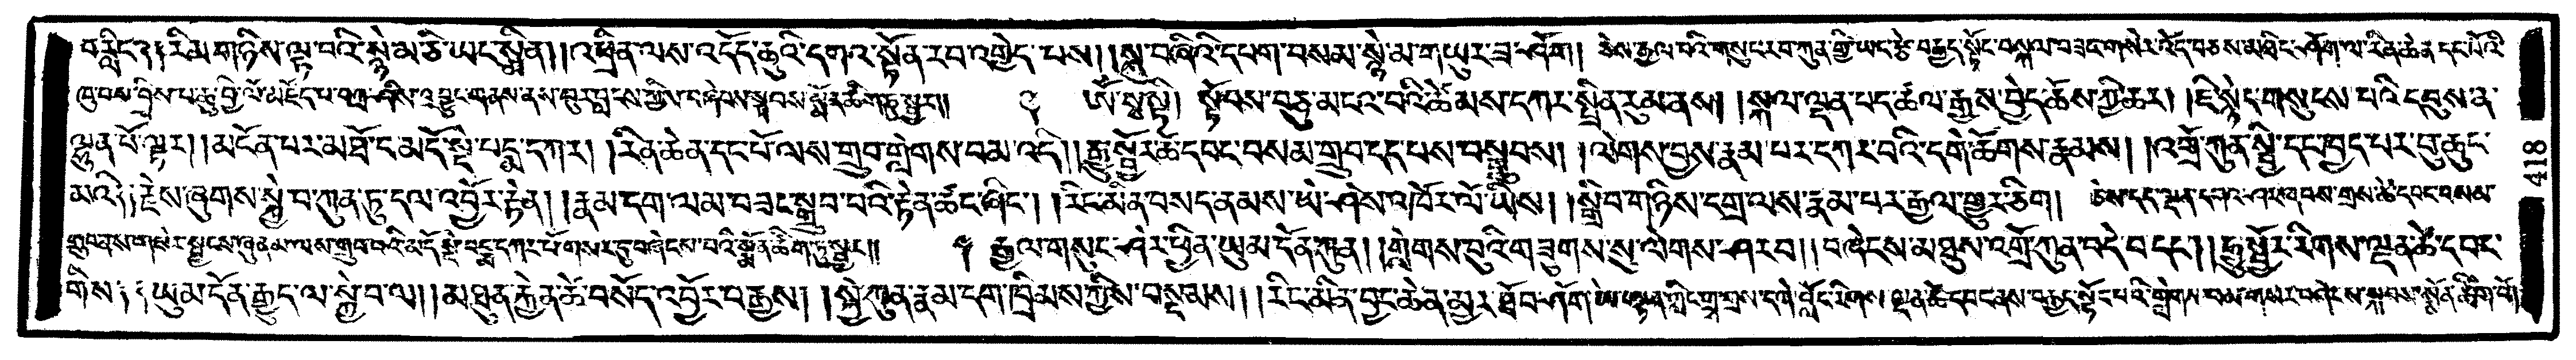བརླིང་། །རིམ་གཉིས་ལྟ་བའི་སྙེ་མ་ཅི་ཡང་སྨིན། །འཕྲིན་ལས་འདོད་ཆུའི་དགའ་སྟོན་རབ་འགྱེད་པས། །སྐུ་བཞིའི་དཔག་བསམ་སྙེ་མ་གཡུར་ཟ་ཤོག །ཅེས་རྒྱལ་བའི་གསུང་རབ་ཀུན་གྱི་ཡང་རྩེ་བརྒྱད་སྟོང་བསྐལ་བཟང་གསེར་འོད་བཅས་མཐིང་ཤོག་ལ་རིན་ཆེན་དང་པོའི་
ཁུ་བས་བྲིས་པ་ཆུ་བྱི་ལོ་མཛོད་པ་བཀྲ་ཤིས་འབྱུང་གནས་ནས་བུར་བླངས་ཀྱིས་བཞེབས་སྐབས་སྨོན་ཚིག་ཏུ་སྦྱར།། ༈ ཨོཾ་སྭ་སྟི། སྟོབས་བཅུ་མངའ་བའི་ཚེམས་དཀར་སྤྲིན་རུམ་ནས། །སྐལ་ལྡན་པད་ཚལ་རྒྱས་བྱེད་ཆོས་ཀྱི་ཆར། །ཇི་སྙེད་གསུངས་པའི་དབུས་ན་
ལྷུན་པོ་ལྟར། །མངོན་པར་མཐོ་བ་མདོ་སྡེ་པདམ་དཀར། །རིན་ཆེན་དང་པོ་ལས་གྲུབ་གླེགས་བམ་འདི། །རྒྱུ་སྦྱོར་ཚེ་དབང་བསམ་གྲུབ་དད་པས་བསྒྲུབས། །ལེགས་བྱས་རྣམ་པར་དཀར་བའི་དགེ་ཚོགས་རྣམས། །འགྲོ་ཀུན་སྤྱི་དང་ཁྱད་པར་བུ་ཆུང་
མའི། །རྗེས་ཞུགས་སྐྱེ་བ་ཀུན་ཏུ་དལ་འབྱོར་རྟེན། །རྣམ་དག་ལམ་བཟང་སྒྲུབ་པའི་རྟེན་ཚང་ཞིང་། །རིང་མིན་བསད་ནམས་ཡེ་ཤེས་འཁོར་ལོ་ཡིས། །སྒྲིབ་གཉིས་དགྲ་ལས་རྣམ་པར་རྒྱལ་གྱུར་ཅིག །ཅེས་དད་ལྡན་དགའ་ཤར་ཞབས་གྲས་ཚེ་དབང་བསམ་
གྲུབ་ནས་གསེར་སྦྱང་ཞུན་མ་ལས་གྲུབ་པའི་མདོ་སྡེ་པྡམ་དཀར་པོ་གསར་དུ་བཞེངས་པའི་སྨོན་ཚིག་ཏུ་སྦྱར། །༈ རྒྱལ་གསུང་ཤེར་ཕྱིན་ཡུམ་དོན་ཀུན། །གླེགས་བུའི་གཟུགས་སུ་ལེགས་ཤར་བ། །བཞེངས་མཐུས་འགྲོ་ཀུན་བདེ་བ་དང་། །ཧྱུ་སྦྱོར་རིགས་ལྡན་ཚེ་དབང་
གིས། །ཡུམ་དོན་རྒྱུད་ལ་སྐྱེ་བ་ལ། །མཐུན་ཚེ་བསོད་འབྱོར་བ་རྒྱས། །སྐྱེ་ཀུན་རྣམ་དག་ཁྲིམས་ཀྱིས་བསྡམས། །རིང་མིན་བྱང་ཆེན་མྱུར་ཐོབ་ཤོག །ཅེས་བསྟན་གླིང་གྲྭ་གྲས་དགེ་བློང་རིགས་ལྡན་ཚེ་དབང་ནས་བརྒྱད་སྟོང་པའི་གླེགས་བམ་གསར་བཞེངས་སྐབས་སྨོན་ཚིག་བོ།